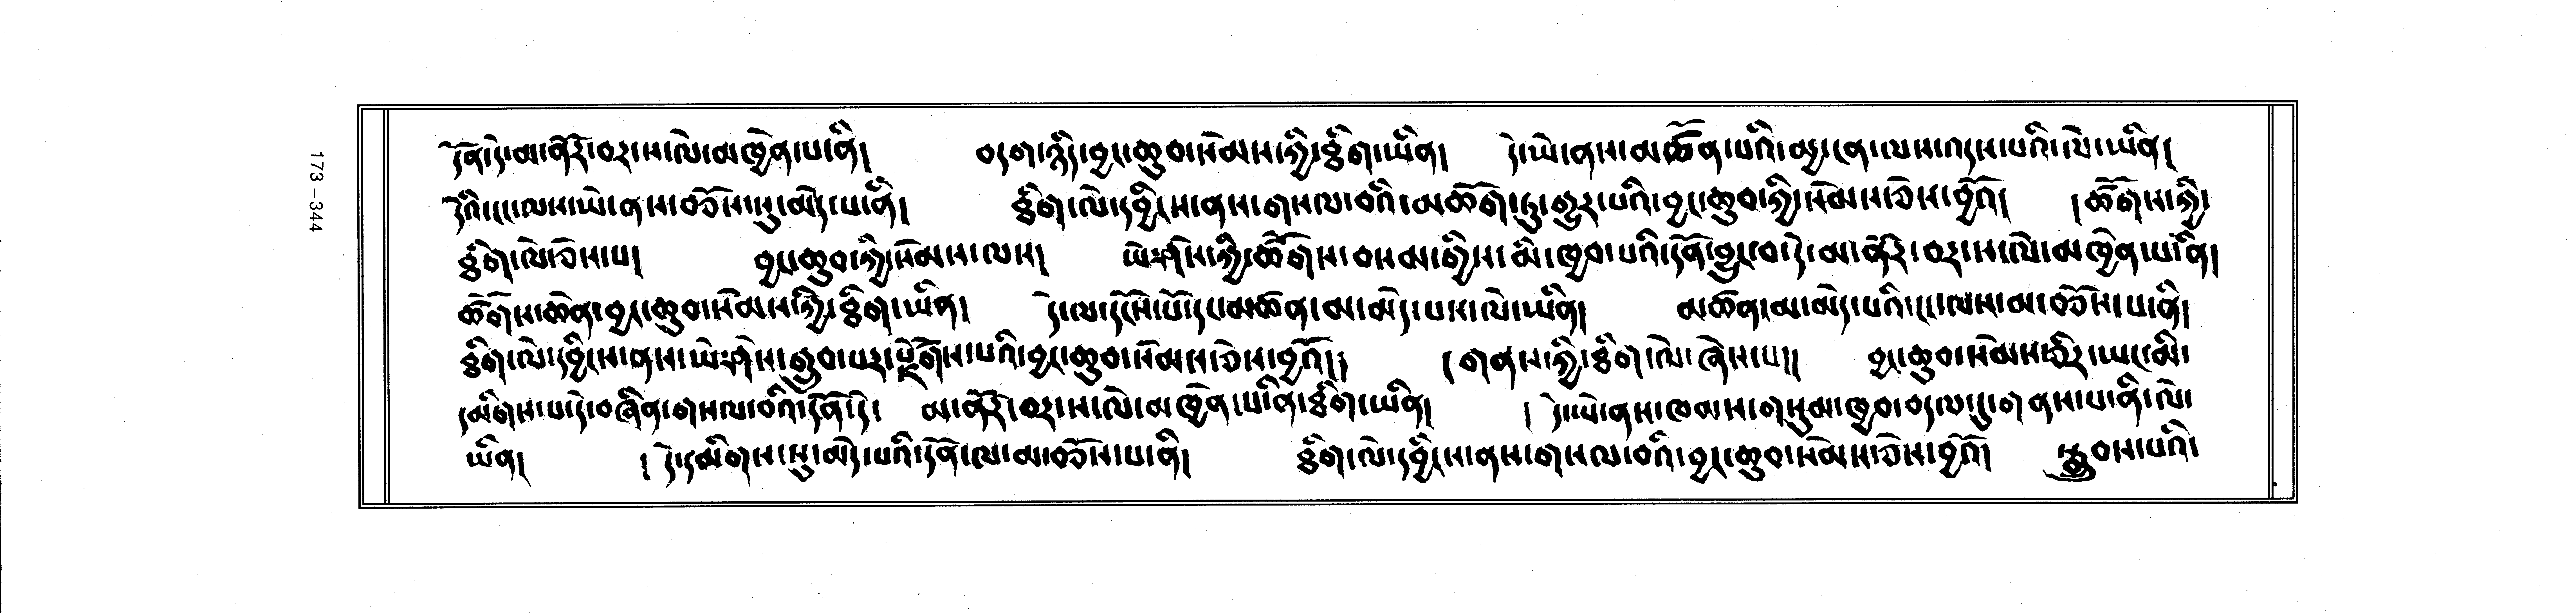དོན་དེ་མ་ནོར་བར་སལེ་མཁྱེན་པ་ནི། བདག་ཉིད་བྱང་ཆུབ་སེམས་ཀྱི་ཐིག་ལེ་ཡིན། དེ་ཡེ་ནས་མཚོན་པའི་མྱ་ངན་ལས་འདས་པས་ལེ་ཡིན། 
དེའི་ངང་ལས་ཡེ་ནས་བཅོས་སུ་མེད་པ་ནི། ཐིག་ལེ་དབྱིངས་ནས་གསལ་བའི་མཆོག་ཏུ་གྱུར་པའི་བྱང་ཆུབ་སེམས་ཅེས་བྱའོི། །ཚོགས་ཀྱི་
ཐིག་ལེ་ཅེས་པ། བྱང་ཆུབ་ཀྱི་སེམས་ལས། ཡེ་ཤེས་ཀྱི་ཚོགས་བསམ་གྱིས་མི་ཁྱབ་པའི་དོན་བྱུང་བ་དེ་མ་ནོར་བར་སལེ་མཁྱེན་པ་ནི། 
ཚོགས་ཆེན་བྱང་ཆུབ་སེམས་ཀྱི་ཐིག་ཡིན། དེ་ལ་དངོས་པོ་དང་མཚན་མ་མེད་པས་ལེ་ཡིན། མཚན་མ་མེད་པའི་ངང་ལས་མ་བཅོས་པ་ནི། 
ཐིག་ལེ་དབྱིངས་ནས་ཡེ་ཤེས་གྲུབ་པར་རྫོགས་པའི་བྱང་ཆུབ་སེམས་ཅེས་བྱའོ། །གནས་ཀྱི་ཐིག་ལེ་ཞེས་པ། བྱང་ཆུབ་སེམས་ཅིར་ཡང་མི་
དམིགས་པ་དེ་བཞིན་གསལ་བའི་དོན་དེ་མ་ནོར་བར་སལེ་མཁྱེན་པ་ཐིག་ཡིན། དེ་ཡེ་ནས་ཁམས་གསུམ་དུ་ཁྱབ་བདལ་དུ་གནས་པ་ནི་ལེ་
ཡིན། དེ་དམིགས་སུ་མེད་པའི་དོན་ལ་མ་བཅོས་པ་ནི། ཐིག་ལེ་དབྱིངས་ནས་གསལ་བའི་བྱང་ཆུབ་སེམས་ཅེས་བྱའོ། །སྒྲུབ་པའི་